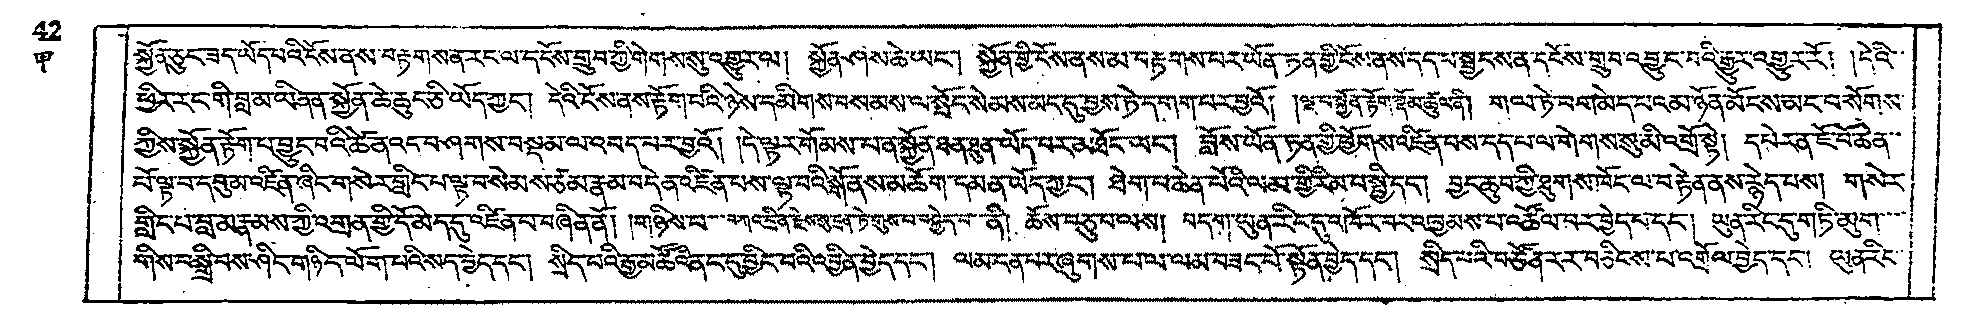སྐྱོན་ཅུང་ཟད་ཡོད་པའི་ངོས་ནས་བརྟགས་ན་རང་ལ་དངོས་གྲུབ་ཀྱི་གེགས་སུ་འགྱུར་ལ། སྐྱོན་ཤས་ཆེ་ཡང་། སྐྱོན་གྱི་ངོས་ནས་མ་བརྟགས་པར་ཡོན་ཏན་གྱི་ངོས་ནས་དད་པ་སྦྱངས་ན་དངོས་གྲུབ་འབྱུང་བའི་རྒྱུར་འགྱུར་རོ། །དེའི་
ཕྱིར་རང་གི་བླ་མ་ཡིན་ན་སྐྱོན་ཆེ་ཆུང་ཅི་ཡོད་ཀྱང་། དེའི་ངོས་ནས་རྟོག་པའི་ཉེས་དམིགས་བསམས་ལ་སྤོང་སེམས་མང་དུ་བྱས་ཏེ་དགག་པར་བྱའོ། །ལྔ་པ་སྐྱོན་རྟོག་སྡོམ་ཚུལ་ནི།  གལ་ཏེ་བག་མེད་པའམ་ཉོན་མོངས་མང་བ་སོགས་
ཀྱིས་སྐྱོན་རྟོག་པ་བྱུང་བའི་ཚེ་ནའང་བཤགས་བསྡམ་ལ་འབད་པར་བྱའོ། །དེ་ལྟར་གོམས་པ་ན་སྐྱོན་ཐན་ཐུན་ཡོད་པར་མཐོང་ཡང་། བློས་ཡོན་ཏན་གྱི་ཕྱོགས་འཛིན་པས་དད་པ་ལ་གེགས་སུ་མི་འགྲོ་སྟེ། དཔེར་ན་ཇོ་བོ་ཆེན་
པོ་ལྟ་བ་དབུ་མ་འཛིན་ཞིང་གསེར་གླིང་པ་ལྟ་བ་སེམས་ཙམ་རྣམ་བདེན་འཛིན་པས་ལྟ་བའི་སྒོ་ནས་མཆོག་དམན་ཡོད་ཀྱང་། ཐེག་པ་ཆེན་པོའི་ལམ་གྱི་རིམ་པ་སྤྱི་དང་། བྱང་ཆུབ་ཀྱི་ཐུགས་ཁོང་ལ་བརྟེན་ནས་རྙེད་པས། གསེར་
གླིང་པ་བླ་མ་རྣམས་ཀྱི་འགྲན་གྱི་དོ་མེད་དུ་འཛིན་པ་བཞིན་ནོ། །གཉིས་པབཀའ་དྲིན་རྗེས་སུ་དྲན་ཏེ་གུས་པ་བསྐྱེད་པནི། ཆོས་བཅུ་པ་ལས། བདག་ཡུན་རིང་དུ་འཁོར་པར་འཁྱམས་པ་འཚོལ་བར་བྱེད་པ་དང་། ཡུན་རིང་དུ་གཏི་མུག་
གིས་བསྒྲིབས་ཤིང་གཉིད་ལོག་པའི་སད་བྱེད་དང་། སྲིད་པའི་རྒྱ་མཚོའི་ནང་དུ་བྱིང་བའི་འབྱིན་བྱེད་དང་། ལམ་ངན་པར་ཞུགས་པ་ལ་ལམ་བཟང་པོ་སྟོན་བྱེད་དང་། སྲིད་པའི་བཙོན་རར་བཅིངས་པ་འགྲོལ་བྱེད་དང་། ཡུན་རིང་